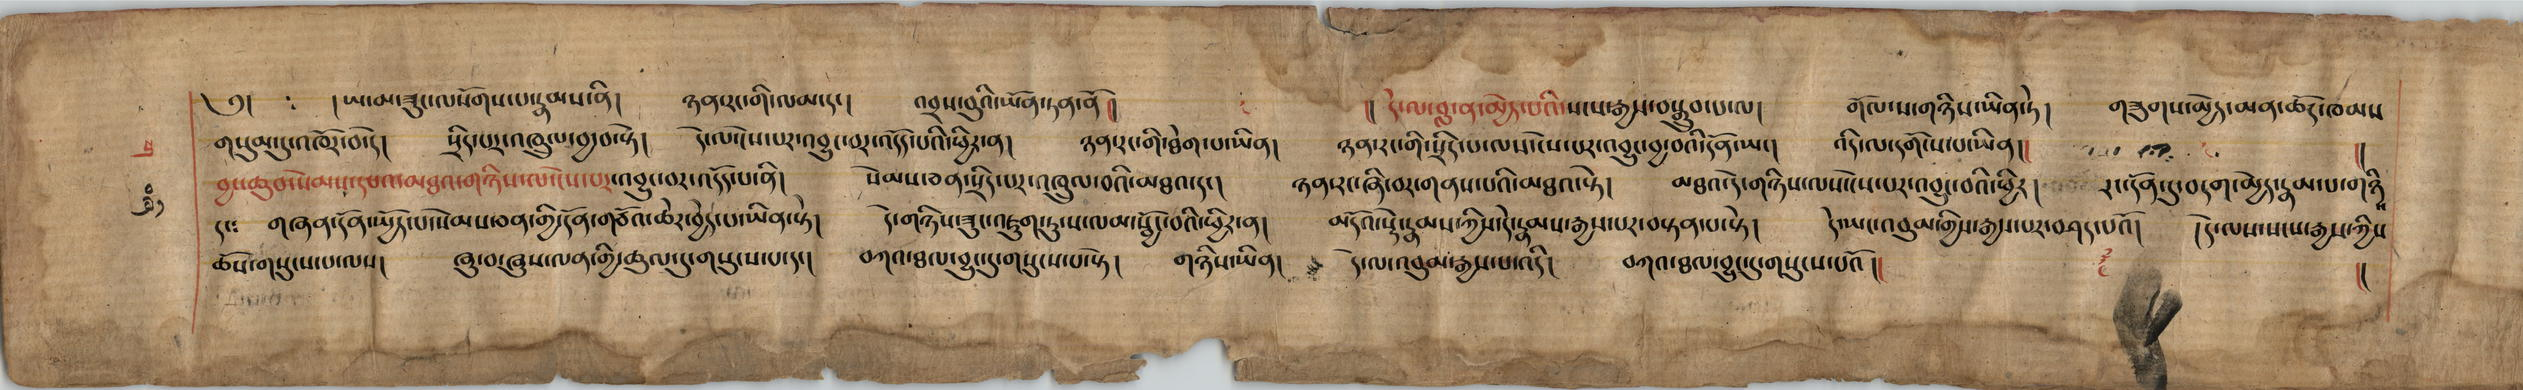༅། : །ཡ་མ་ཟུང་ལ་སོགས་པ་རྣམས་ནི། ཉན་རང་གི་ལམ་དང། འབྲས་བུའི་ཡོན་ཏན་ནོ།། །། དེ་ལ་བླ་ན་མྱེད་པའི་སངས་རྒྱས་བསྒྲུབ་པ་ལ། གོལ་ས་གཉིས་ཡིན་ཏེ། གཟུགས་མྱེད་མན་ཆོད་ཁམས
གསུམ་དུ་འཁོར་བ་དེ། སྲིད་པར་འཁྲུལ་བྱ་བ་སྟེ། དེ་ལ་ངེས་པར་འབྱུང་བར་འདོད་པའི་ཕྱིར་ན། ཉན་རང་གི་ཐེག་པ་ཡིན། ཉན་རང་གི་སྲིད་པ་ལས་ངེས་པར་འབྱུང་བྱ་བའི་དོན་ཡང། འདི་ལ་དགོངས་པ་ཡིན།།
བྱང་ཆུབ་སེམས་དཔའ་མཐའ་གཉིས་ལ་ངེས་པར་འབྱུང་བར་འདོད་པ་ནི། སེམས་ཅན་སྲིད་པར་འཁྲུལ་བའི་མཐའ་དང། ཉན་རང་ཞི་བར་གནས་པའི་མཐའ་སྟེ། མཐའ་དེ་གཉིས་ལས་ངེས་པར་འབྱུང་བའི་ཕྱིར ། རང་དོན་དུ་བདག་མེད་རྣམ་པ་གཉི
དང: གཞན་དོན་སྤྱོད་པ་སེམས་ཅན་གྱི་དོན་གཙོའ་ཆེར་བྱེད་པ་ཡིན་སྟེ། དེ་གཉིས་ཟུང་འཇུག་ཏུ་ས་ལམ་སྦྱོང་བའི་ཕྱིར་ན། མདོའ་སྡེ་རྣམས་ཀྱིས་དེ་རྣམས་རྒྱས་པར་བསྟན་པ་སྟེ། དེ་ཡང་འབུམ་གྱིས་རྒྱས་པར་བཤད་པའོ། །དེ་ལས་སངས་རྒྱས་ཀྱིས
ཆོས་གསུངས་པ་ལས། ཞུ་བ་ཞུས་ལན་གྱི་ཆུལ་དུ་གསུངས་པ་དང། བཀའ་ཐལ་བྱུང་དུ་གསུངས་པ་སྟེ། གཉིས་ཡིན། དེ་ལ་འབུམ་རྒྱས་པ་འདི། བཀའ་ཐལ་བྱུང་དུ་གསུངས་པའོ།།